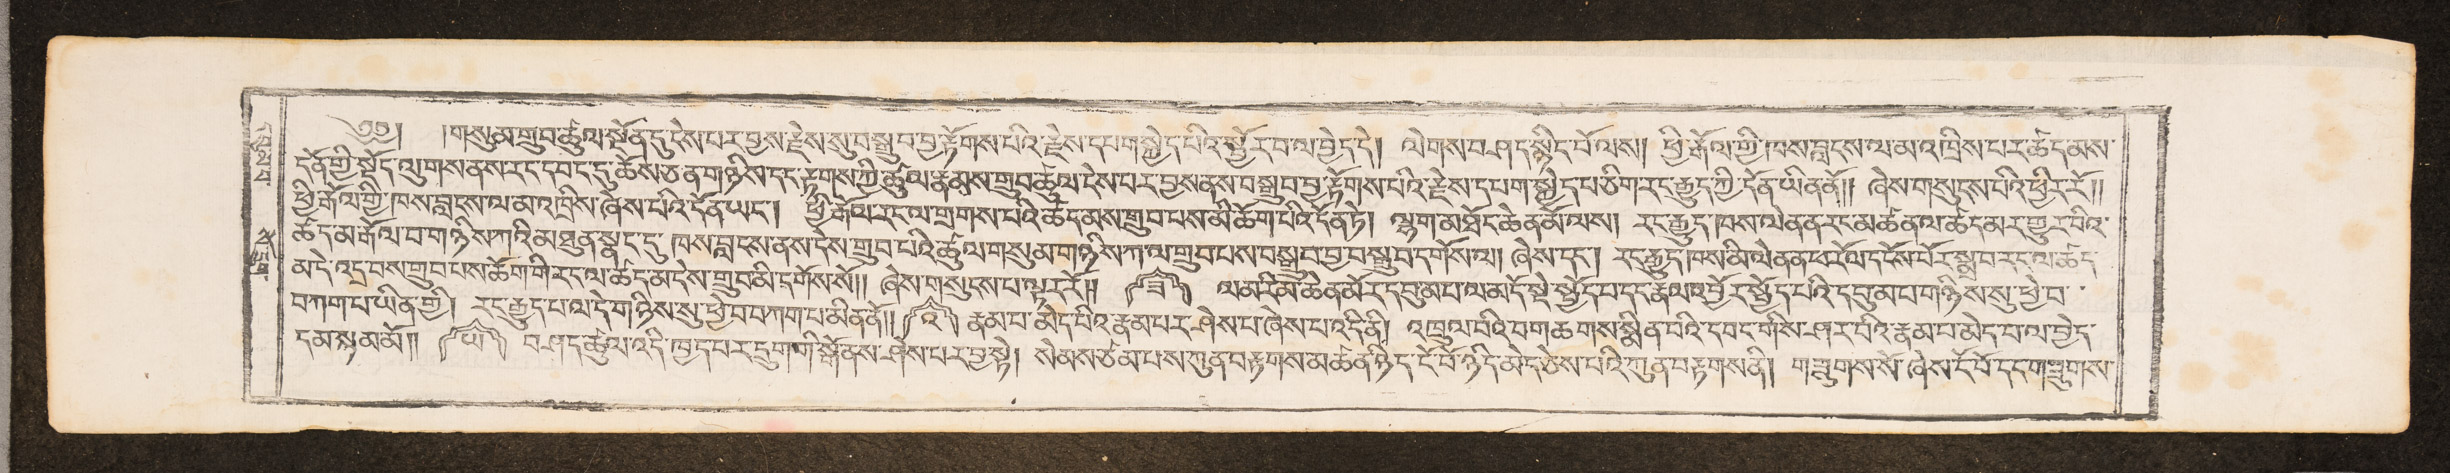༄༅། །གསུམ་གྲུབ་ཚུལ་སྔོན་དུ་ངེས་པར་བྱས་རྗེས་སུ་བསྒྲུབ་བྱ་རྟོགས་པའི་རྗེས་དཔག་སྐྱེད་པའི་སྦྱོར་བ་ལ་བྱེད་དེ། ལེགས་བཤད་སྙིད་པོ་ལས། ཕྱི་རྒོལ་གྱི་ཁས་བླངས་ལ་མ་འཁྲིས་པར་ཚད་མས་
དོན་གྱི་སྡོད་ལུགས་ནས་རང་དབང་དུ་ཆོས་ཅན་གཉིས་དང་རྟགས་ཀྱི་ཚུལ་རྣམས་གྲུབ་ཚུལ་ངེས་པར་བྱས་ནས་བསྒྲུབ་བྱ་རྟོགས་པའི་རྗེས་དཔག་སྐྱེད་པ་ཅིག་རང་རྒྱུད་ཀྱི་དོན་ཡིན་ནོ།། ཞེས་གསུངས་པའི་ཕྱིར་རོ།།
ཕྱི་རྒོལ་གྱི་ཁས་བླངས་ལ་མ་འཁྲིས་ཞེས་པའི་དོན་ཡང་། ཕྱི་རྒོལ་རང་ལ་གྲགས་པའི་ཚད་མས་གྲུབ་པས་མི་ཆོག་པའི་པའི་དོན་ཏེ། ལྷག་མཐོང་ཆེན་མོ་ལས། རང་རྒྱུད་ཁས་ལེན་ན་རང་མཚན་ལ་ཚད་མར་གྱུར་བའི་
ཚད་མ་རྒོལ་བ་གཉིས་ཀའི་མཐུན་སྣང་དུ་ཁས་བླངས་ནས་དེས་གྲུབ་པའི་ཚུལ་གསུམ་གཉིས་ཀ་ལ་གྲུབ་པས་བསྒྲུབ་བྱ་བསྒྲུབ་དགོས་ལ། ཞེས་དང་། རང་རྒྱུད་ཁས་མི་ལེན་ན་ཕ་རོལ་དངོས་པོར་སྨྲ་བ་རང་ལ་ཚད་
མེད་འདྲ་བས་གྲུབ་པས་ཆོག་གི་རང་ལ་ཚད་མ་དེས་གྲུབ་མི་དགོས་སོ།། ཞེས་གསུངས་པ་ལྟར་རོ།། ༼༽ཟ༼༽ ལམ་རིམ་ཆེན་མོར་དབུ་མ་པ་ལ་མདོ་སྡེ་སྤྱོད་པ་དང་རྣལ་འབྱོར་སྤྱོད་པའི་དབུ་མ་པ་གཉིས་སུ་ཕྱེ་བ་
བཀག་པ་ཡིན་གྱི། རང་རྒྱུད་པ་ལ་དེ་གཉིས་སུ་ཕྱེ་བ་བཀག་པ་མིན་ནོ།། ༼༽འ༼༽ རྣམ་པ་མེད་པའི་རྣམ་པར་ཤེས་པ་ཞེས་པ་འདི་ནི། འཁྲུལ་བའི་བག་ཆགས་སྨིན་པའི་དབང་གིས་ཤར་བའི་རྣམ་པ་མེད་པ་ལ་བྱེད་
དམ་སྙམ་མོ།། ༼༽ཡ༼༽ བཤད་ཚུལ་འདི་ཁྱད་པར་དྲུག་གི་སྒོ་ནས་ཤེས་པར་བྱ་སྟེ། སེམས་ཙམ་པས་ཀུན་བརྟགས་མཚན་ཉིད་ངོ་བོ་ཉིད་མེད་ཅེས་པའི་ཀུན་བརྟགས་ནི། གཟུགས་སོ་ཞེས་ངོ་བོ་དང་གཟུགས་